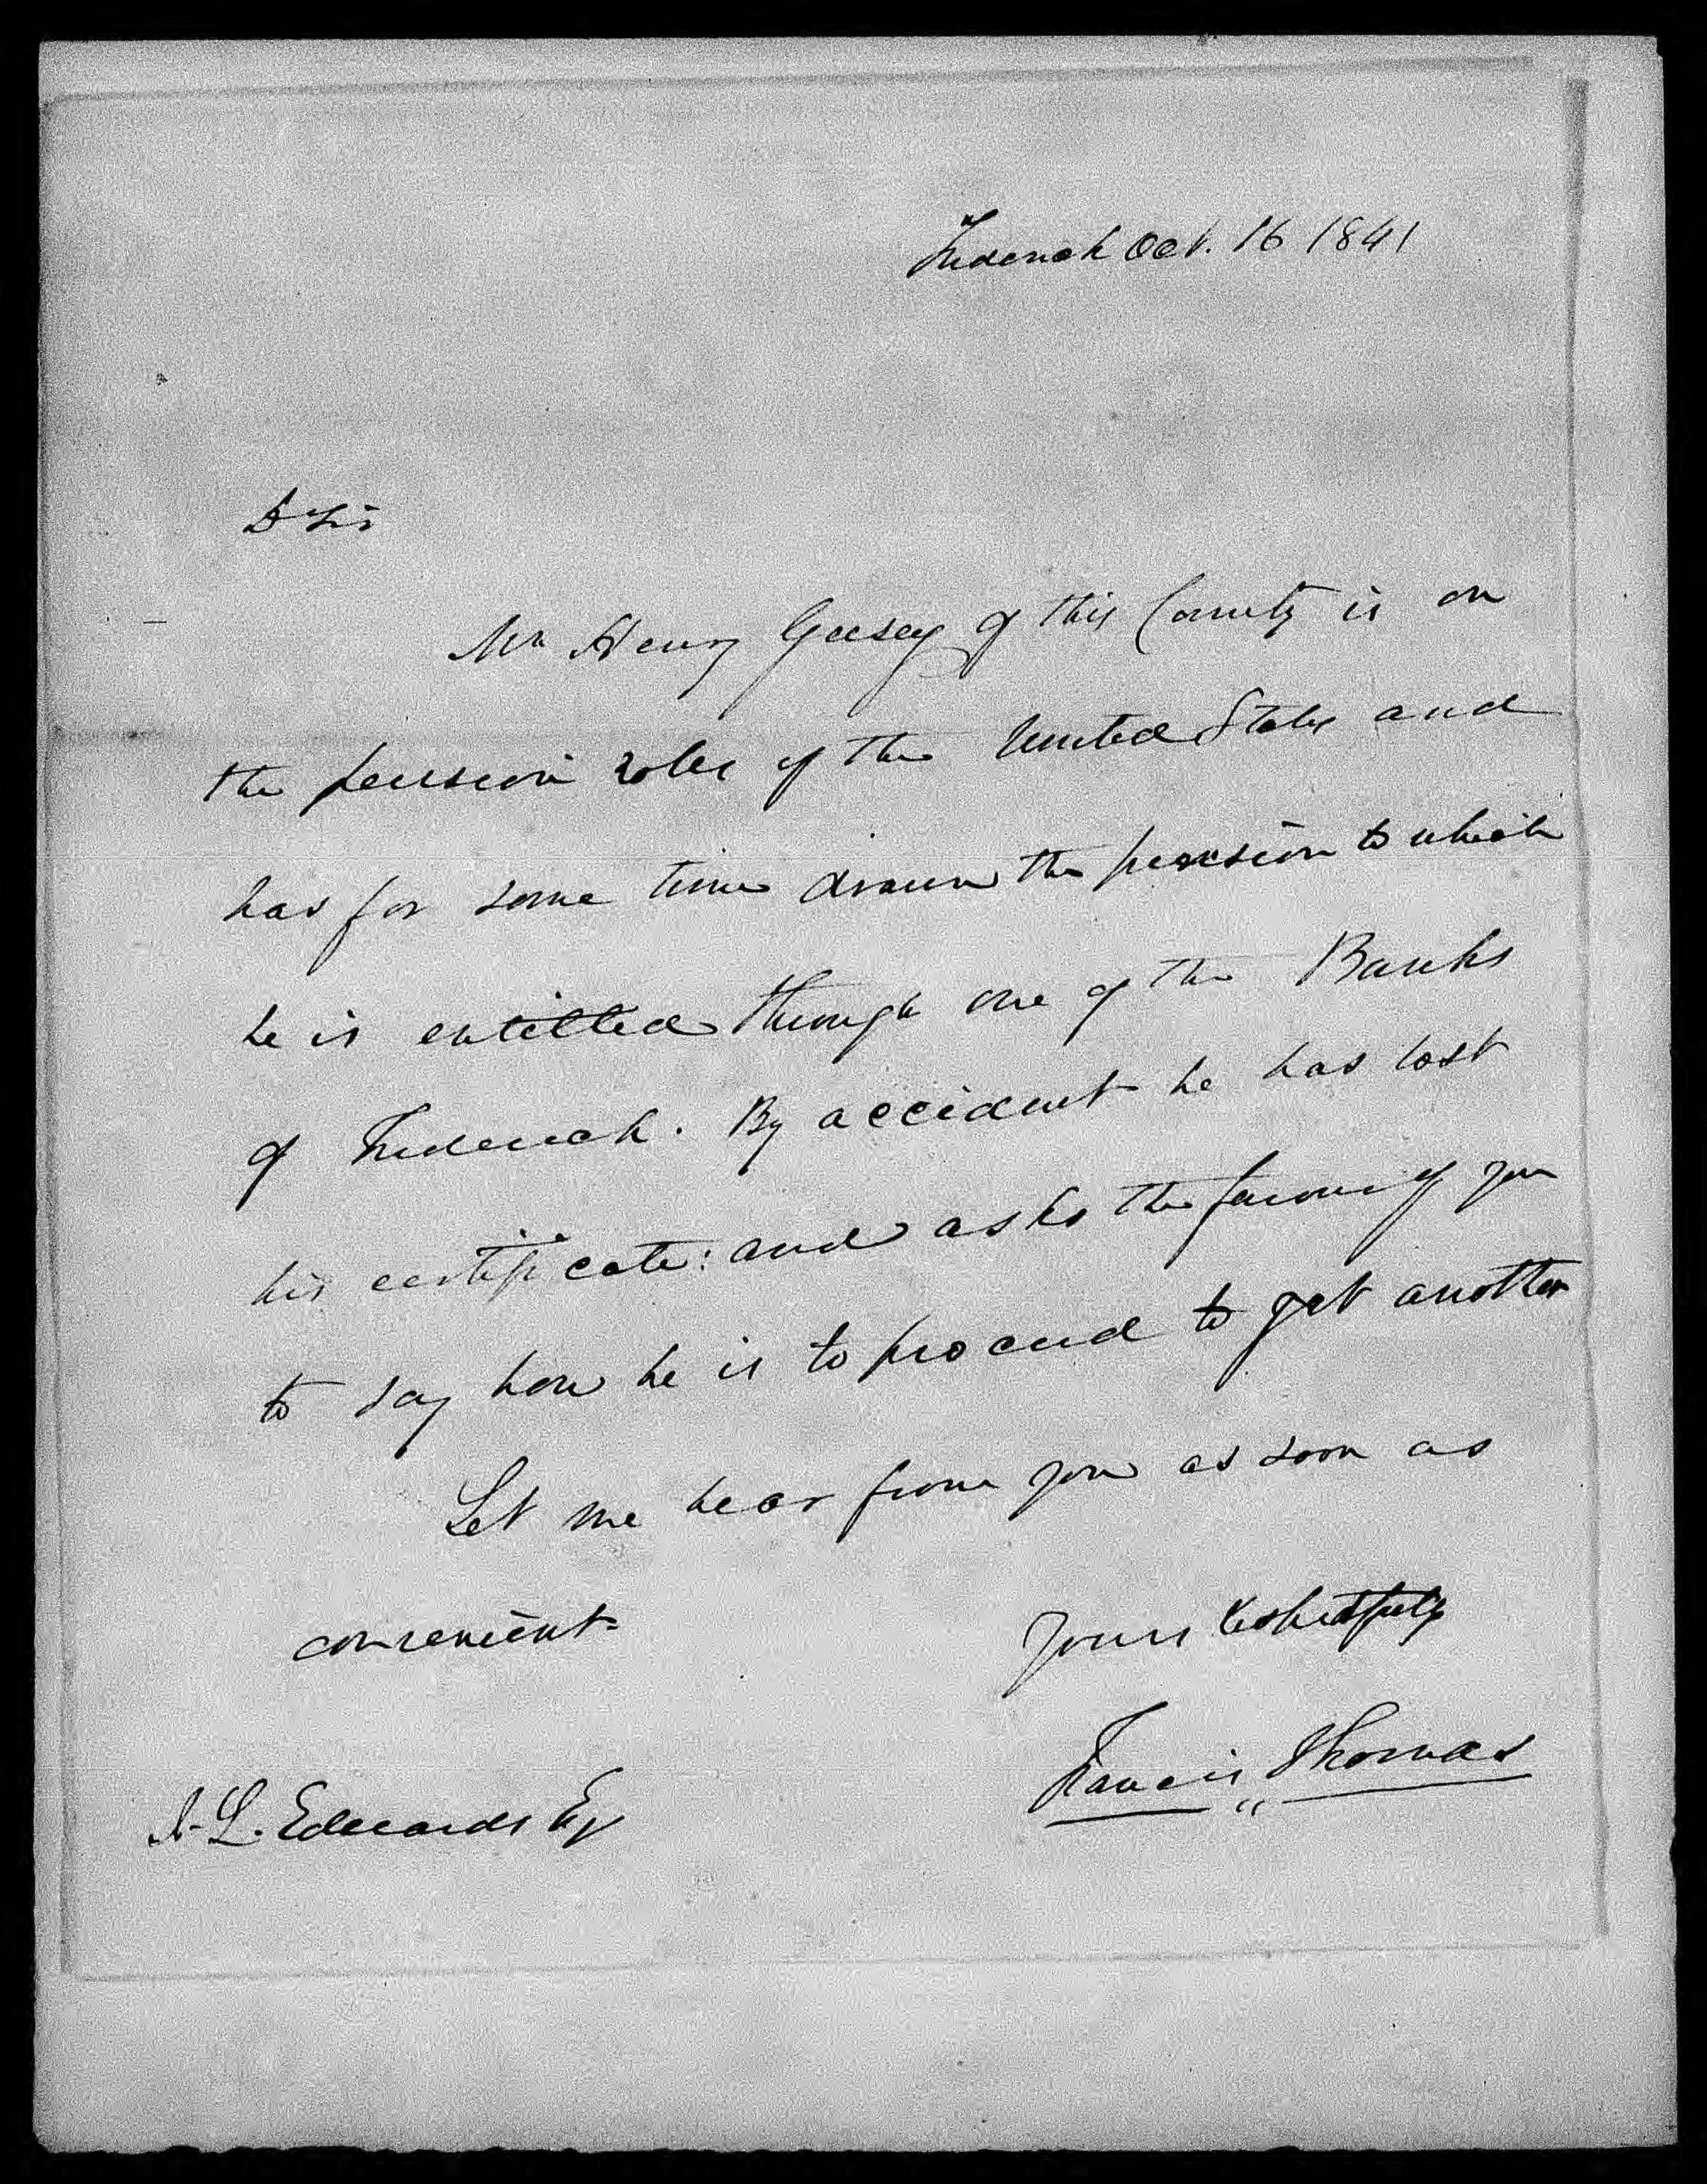Frederick Oct. 16 1841

D Sir

Mr. Henry Geesey of this County is on
the pension role of the United States and
has for some time drawn the pension to which
he is entitled through one of the Banks
of Frederick.  By accident he has lost
his certificate and asks the favor of you
to say how he is to proceed to get another.

Let me hear from you as soon as
convenient.

Yours Respectfully
[begin underline] Francis Thomas [end underline]

J.L. Edwards Esq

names: J L Edwards, Francis Thomas, Henry Geesey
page: 10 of 11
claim: survivor's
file: S. 8554, Henry Geasey, Md.